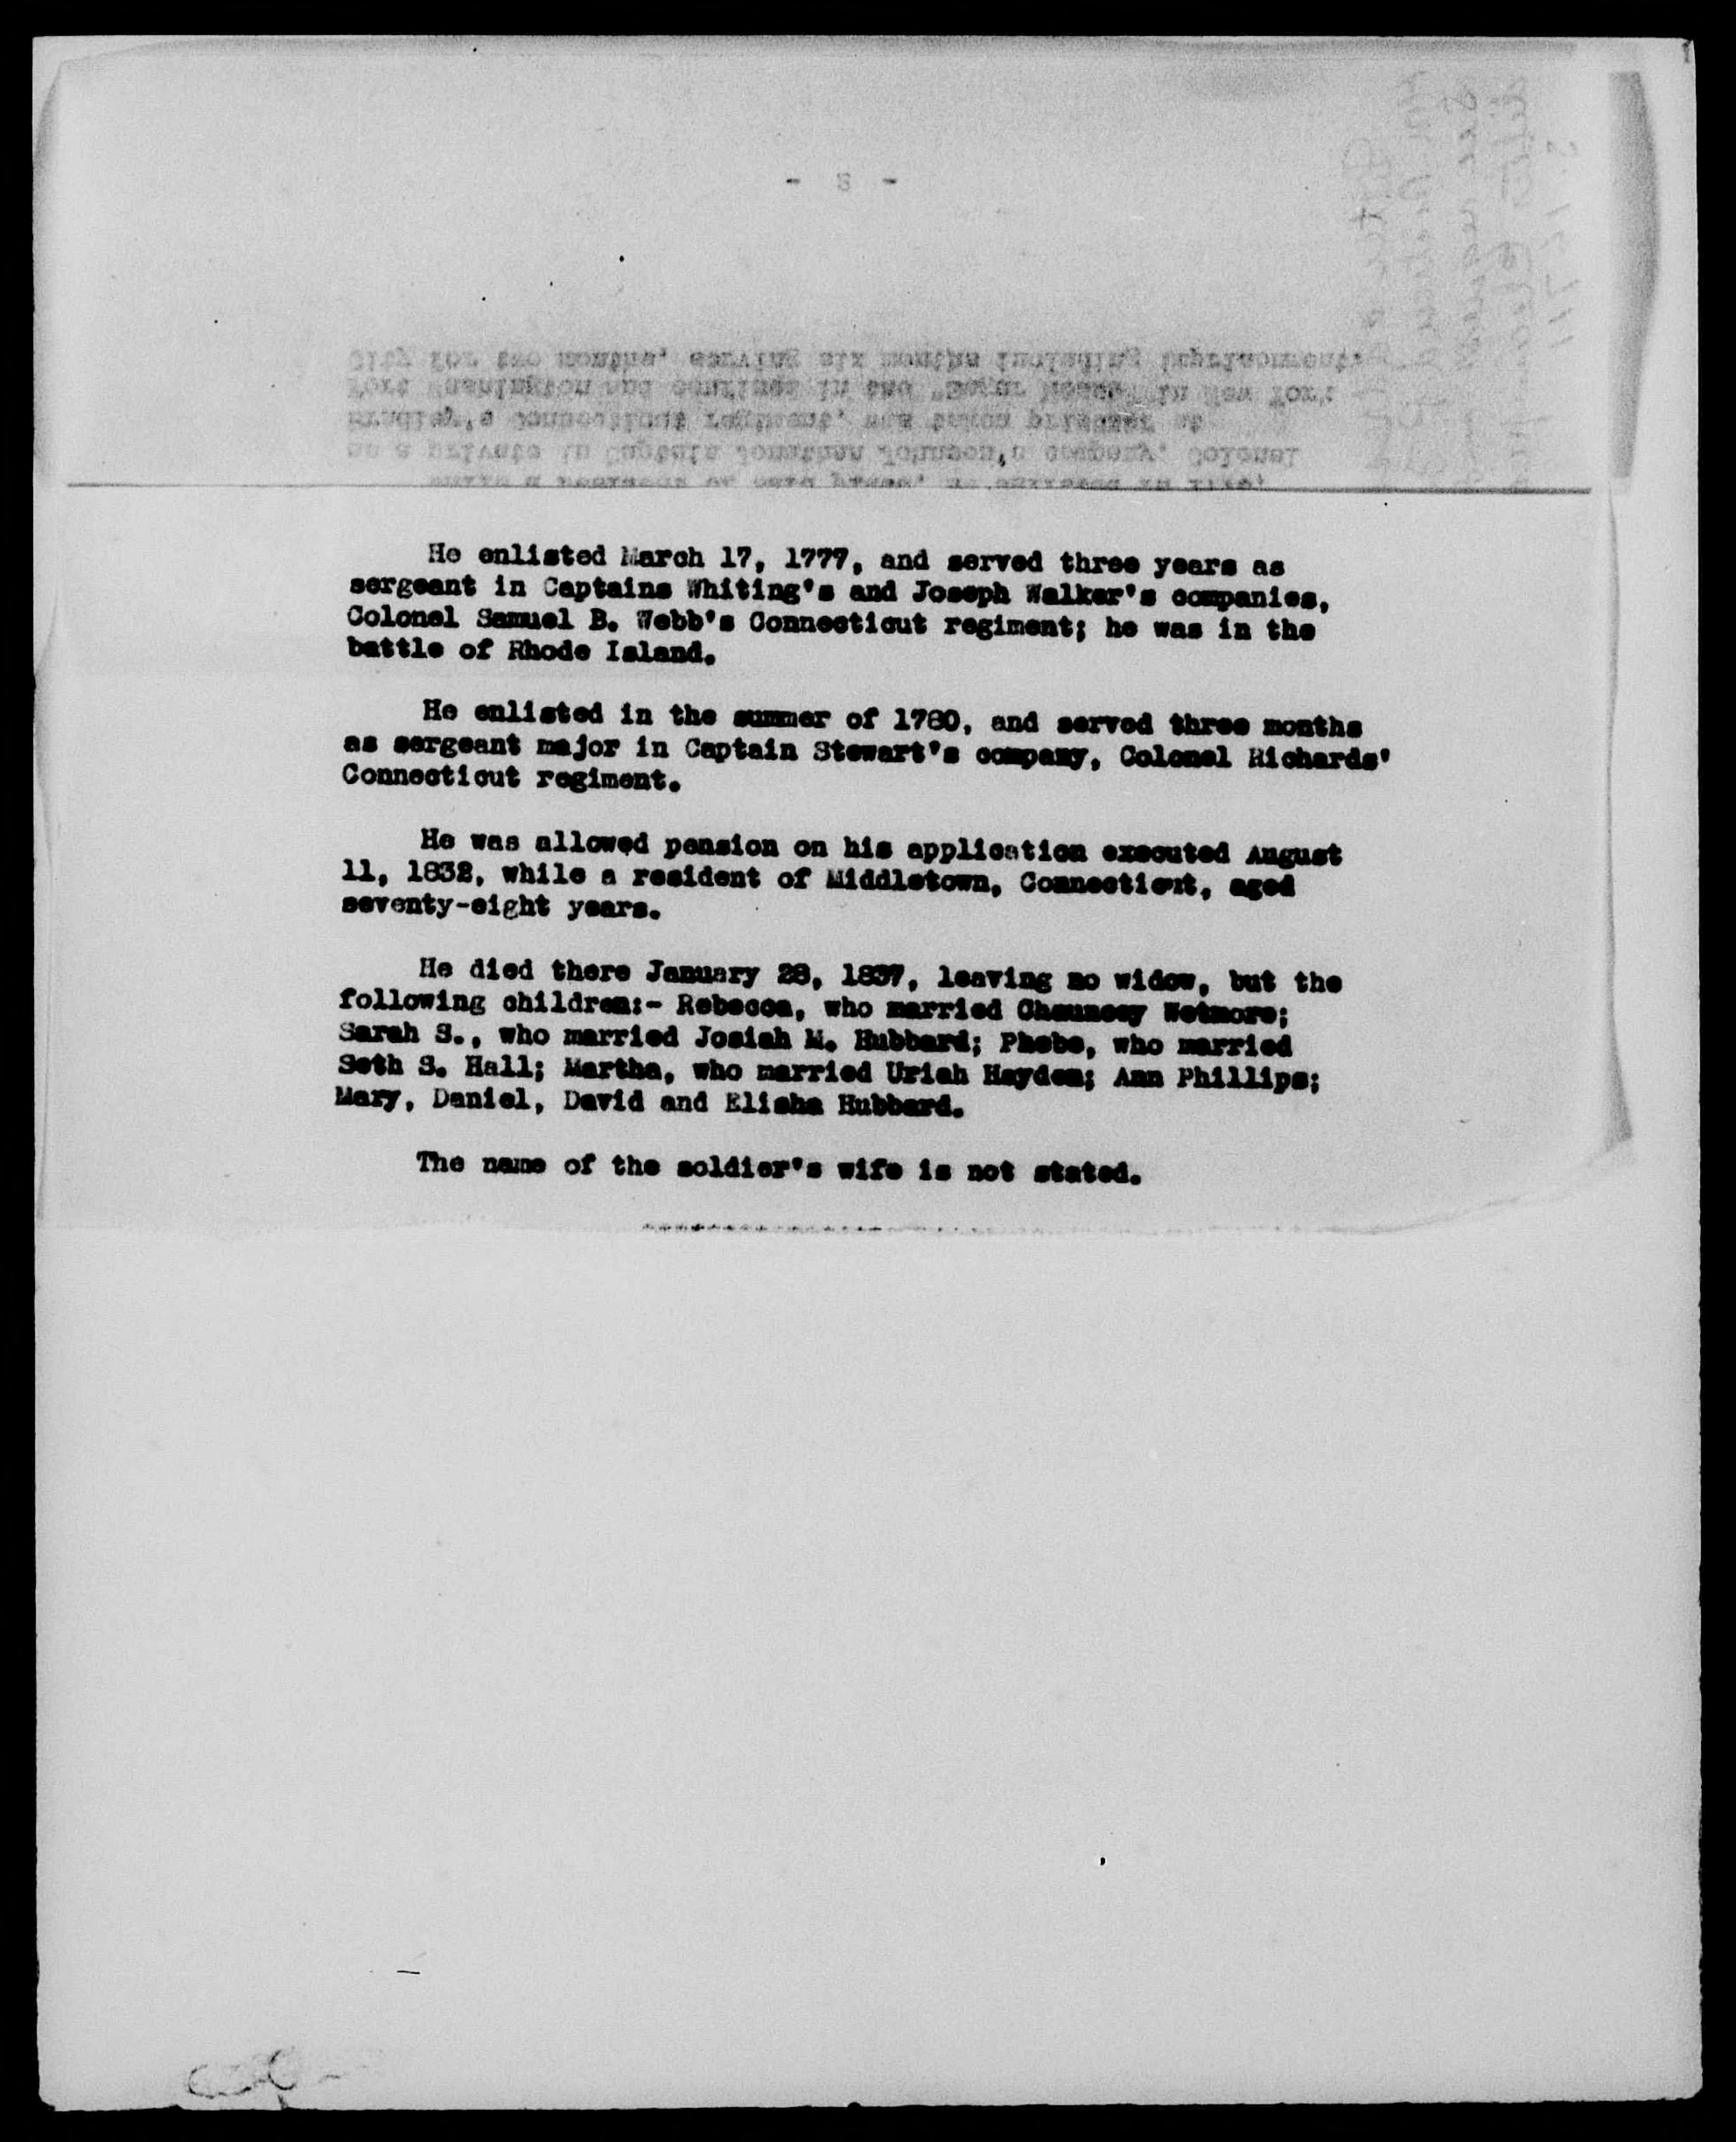[typed]
       He enlisted March 17, 1777, and served three years as sergeant in Captain Whiting’s and Joseph Walker’s companies, Colonel Samuel B. Webb’s Connecticut regiment; he was in the battle of Rhode Island. 
	He enlisted in the summer of 1780, and served three months as sergeant major in Captain Stewart’s company, Colonel Richard’s Connecticut regiment. 
	He was allowed pension on his application executed August 11, 1832, while a resident of Middletown, Connecticut, aged seventy-eight years. 
         He died there January 28, 1837, leaving no widow, but the following children: - Rebecca, who married Chauncey Wetmore; Sarah S., who married Josiah M. Hubbard; Phabe who married Seth S. Hall; Martha, who married Uriah Hayden; Ann Phillips; Mary, Daniel, David and Elisha Hubbard.
     The name of the soldier’s wife is not stated.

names: Ann Phillips, Rebecca, Martha, Chauncey Wetmore, Uriah Hayden, Phebe, Seth S Hall, Josiah M Hubbard, Mary Hubbard, Sarah S, David Hubbard, Elisha Hubbard, Daniel Hubbard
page: 19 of 63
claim: survivor's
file: S. 18457, Elisha Hubbard, Conn. Continental